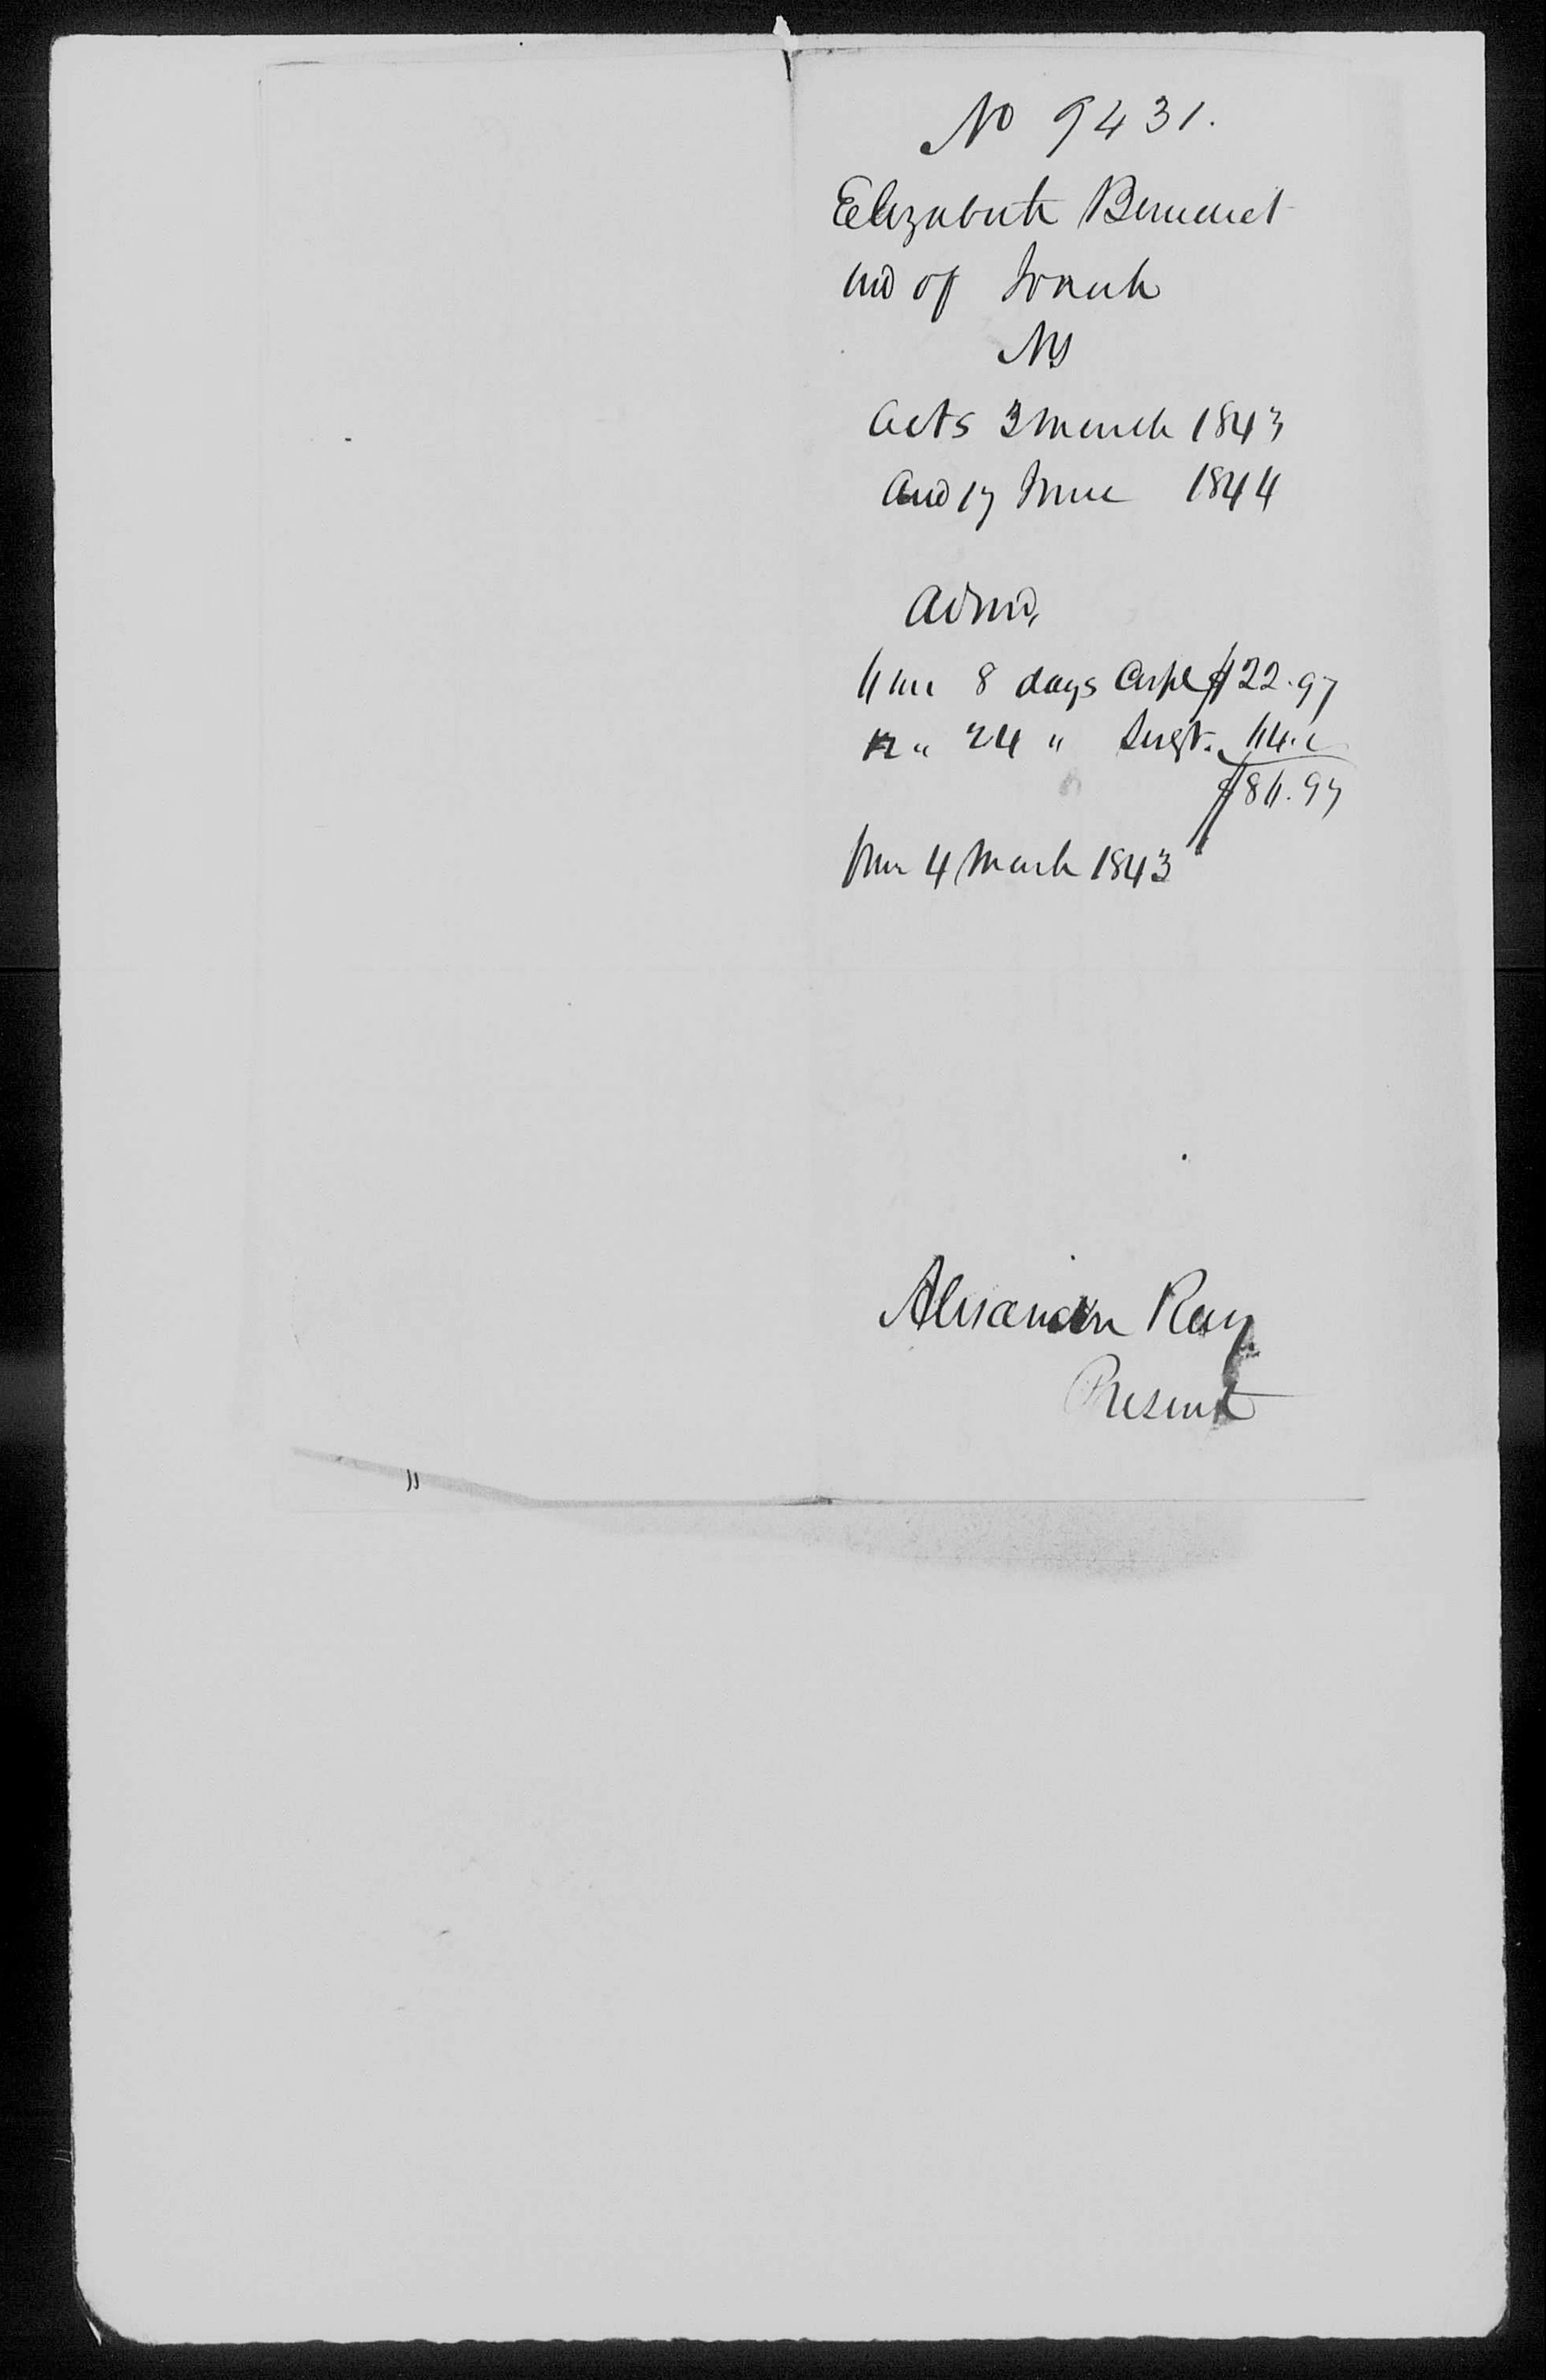No 9431
Elizabeth Benedict
wid of Jonah
    NY
Acts 3 march 1843
and 17 June 1844

Adm
4mo 8 days Corpl    $22.97
12 " 24  "     Sergt      64.0
                                 $86.97
for 4 Mar 1843


              Alexander Ray
                                 Present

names: Elizabeth Benedict, Jonah, Alexander Ray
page: 39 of 56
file: [ILLEGIBLE], Jonah Benedict, Conn.